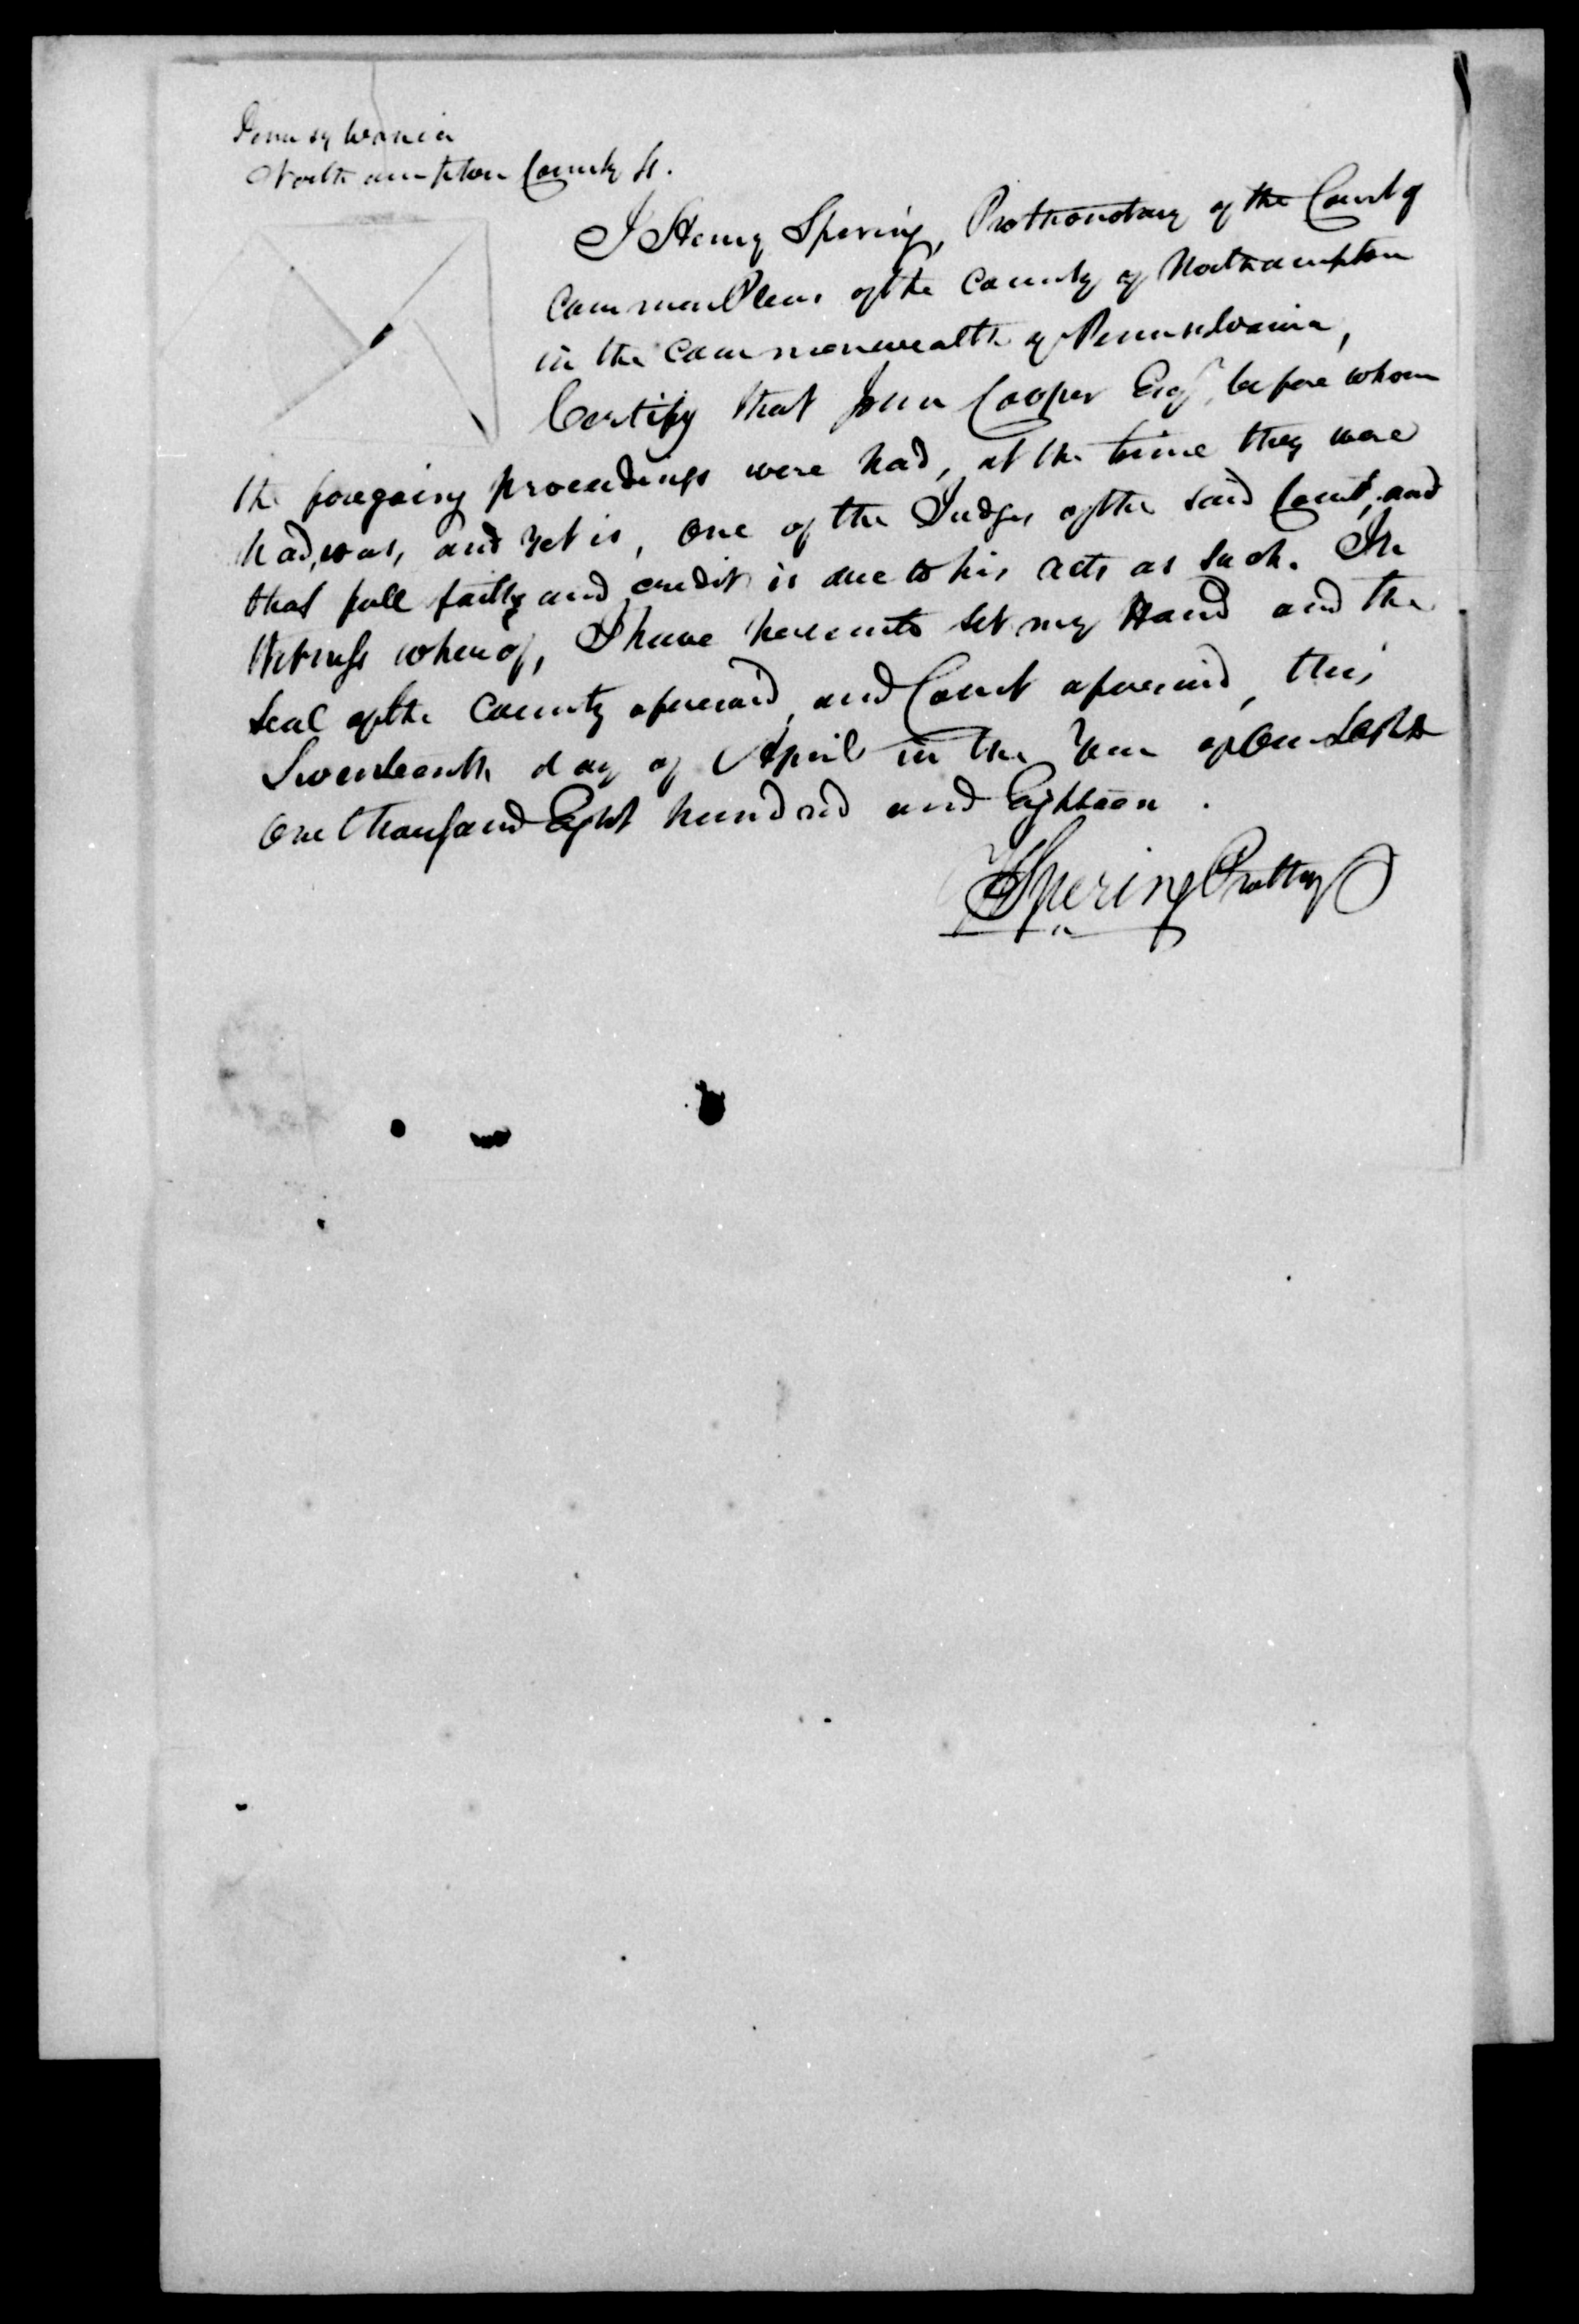Pennsylvania Northampton County, Va
 I Henry Spering Prothonotary of the county common pleas of the County of Northampton in the Commonwealth of Pennsylvania Certify that John Cooper Esq before whom the foregoing proceedings were had, at the time they were that full faith and credit is due to his acts as such In had was, and yet is, one of the Judges of the said Court and Witness whereof, I have hereunto set my hand and the Seal of the County aforesaid and Court aforesaid this Seventeenth day of April in the year one thousand Eight hundred and Eighteen 
Spering Potter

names: John Cooper; Henry Spering; H Spering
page: 19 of 19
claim: survivor's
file: S. 40410, for Ludwig Shoup, Pennsylvania